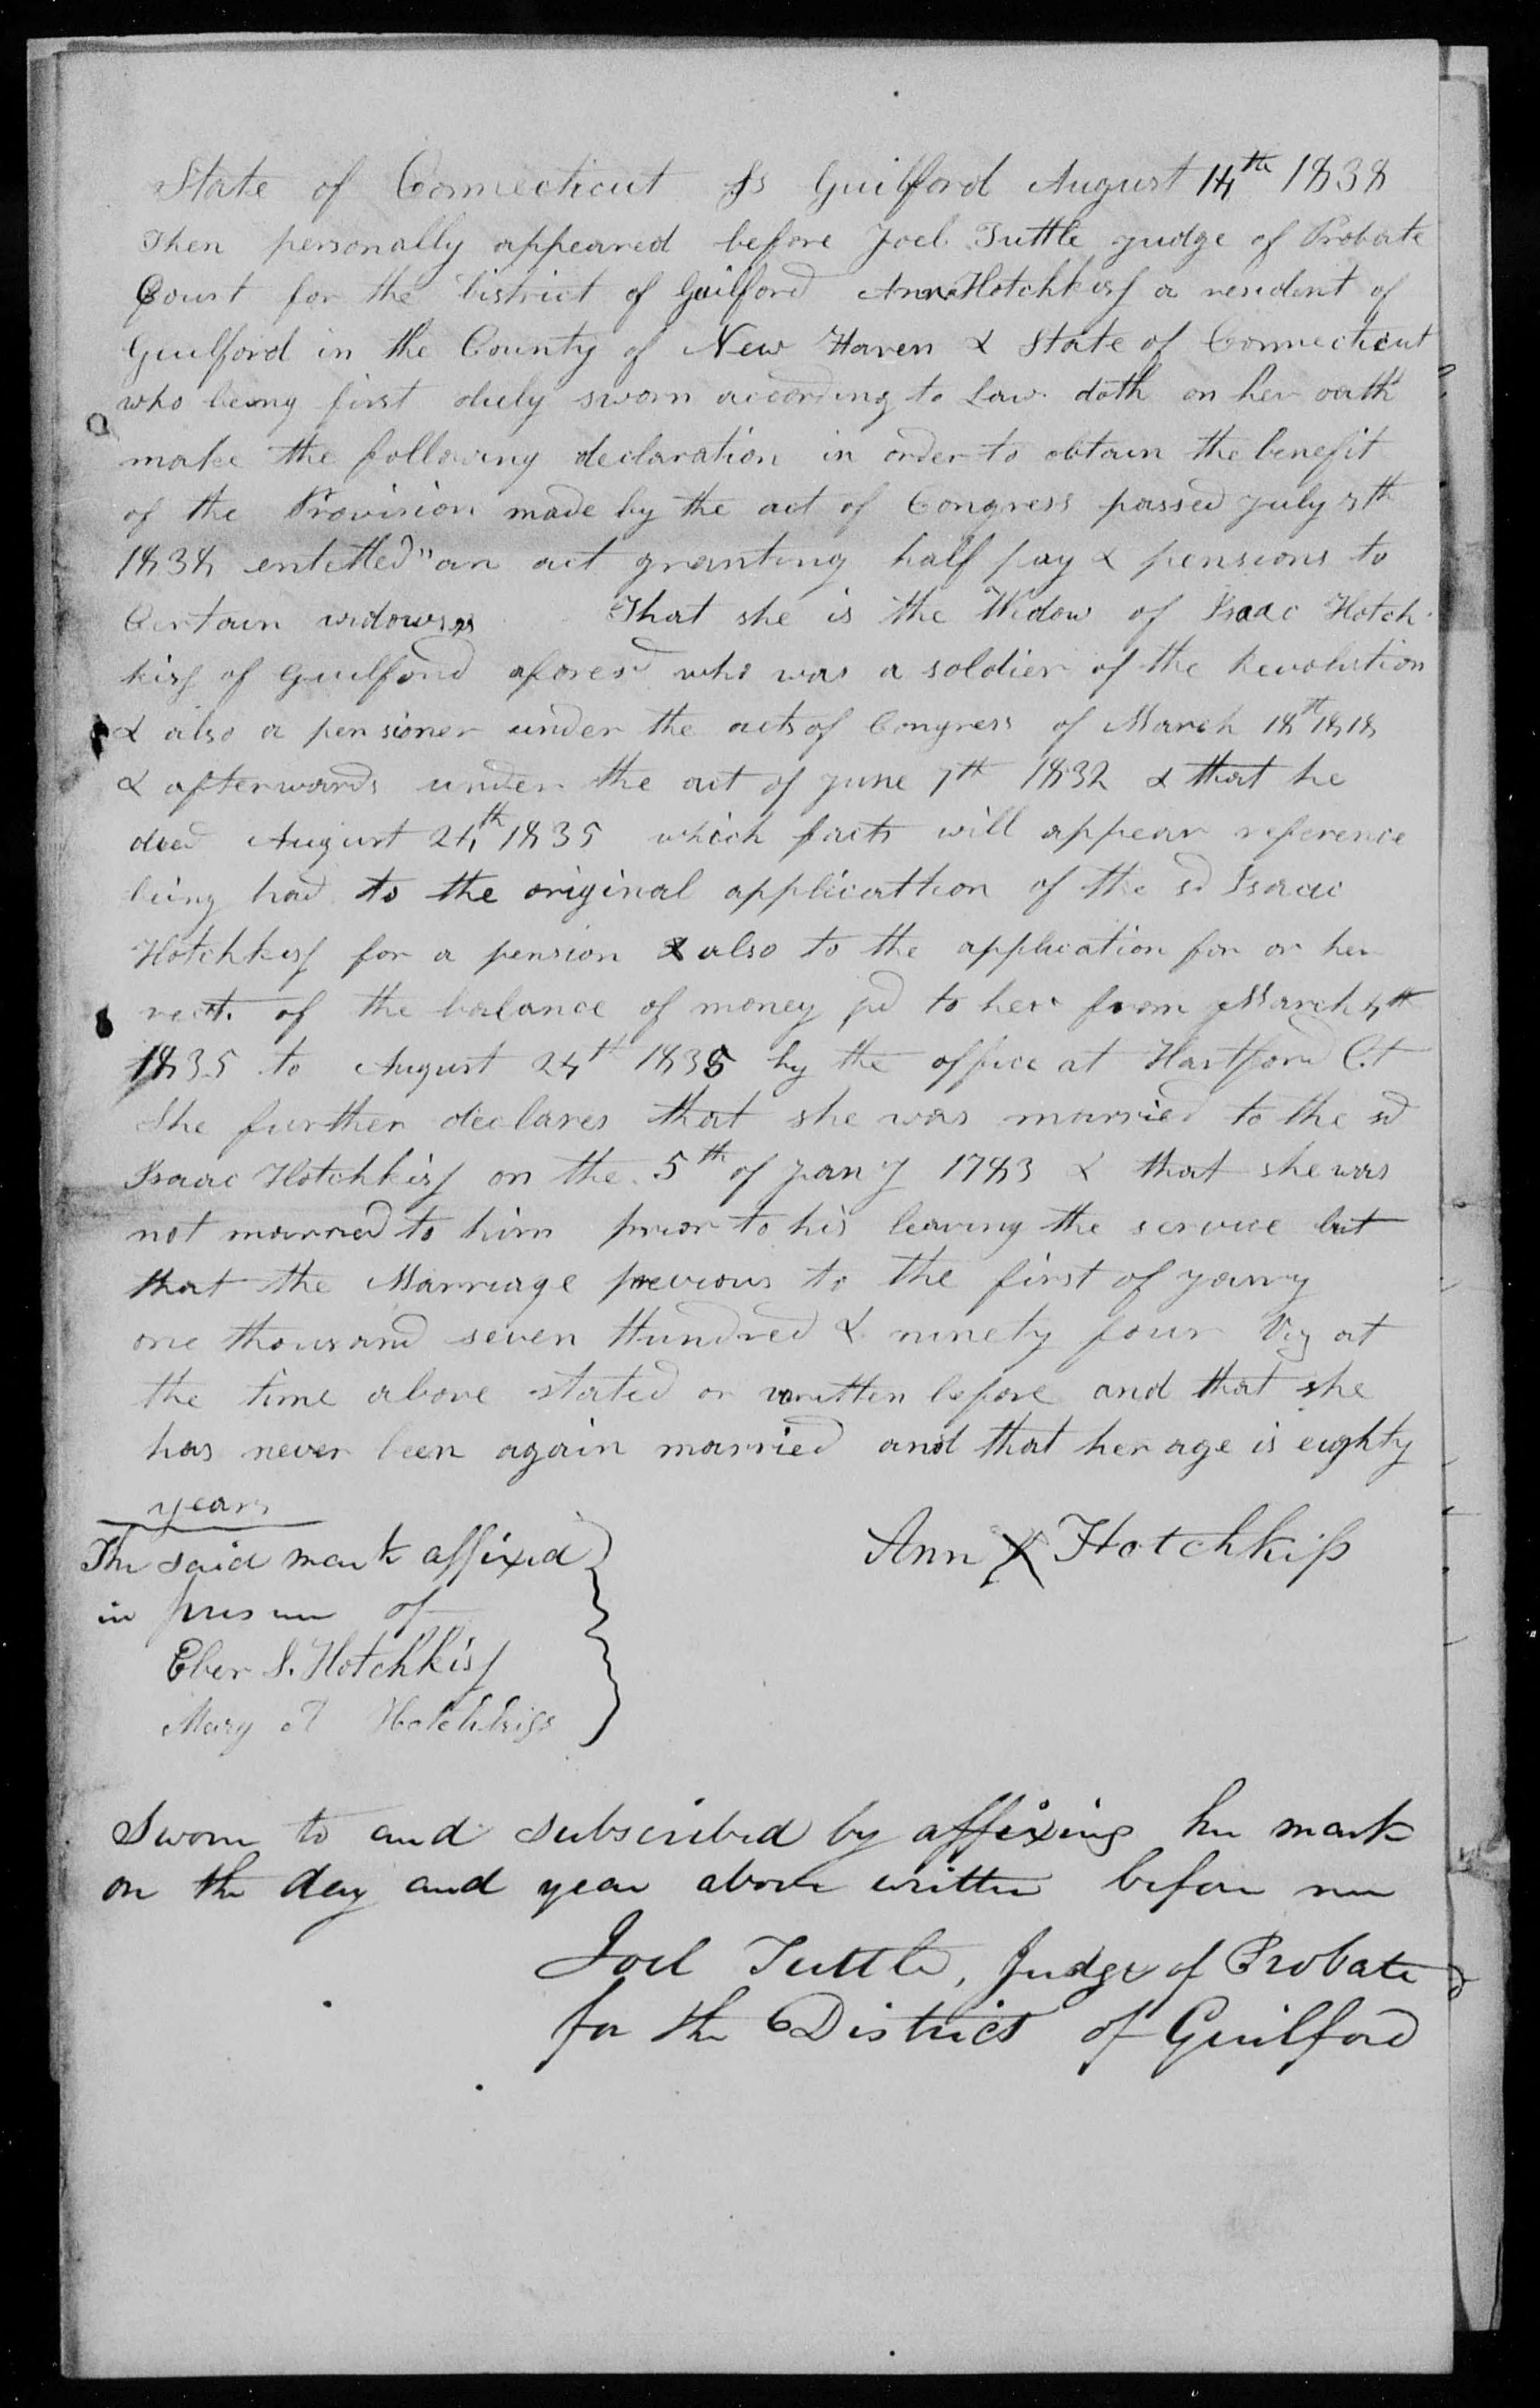State of Connecticut Js Guilford August 14th 1838
Then personally appeared before Joel Tuttle Judge of Probate Court for the district of Guilford
Anna Hotchkiss a resident of Guilford in the County of New Haven + State of Connecticut who being first duly sworn who according to Law doth on her oath make the following declaration in order to obtain the benefit of the Provision made by the act of Congress passed July 7th 1838 entitled "an act granting half pay + pensions to certain widows. That she is the Widow of Isaac Hotchkiss {illegible} of Guilford aforesaid was a soldier of the Revolution + also a pensioners under the acts of Congress of March 18th 1818 + afterwards under the act of June 7th 1832 + that he died August 24th, 1835 which forth will appear {illegible} being how to the original application of the Isaac Hotchkiss for a pension + also to the application for on her {illegible} of the balance of money {illegible} to her from March 4th 1835 to August 24th 1835 by the office at Hartford Ct. She further declares that she was married to the said Isaac Hotchkiss on the 5th of Jan 1783 + that she was not married to him from his leaving the service but that the Marriage previous to the first of {illegible} one thousand seven hundred + ninety four {illegible} the time above started on written before and that she has never been again married and that her age is eighty years
The said mark affixed in presence of 
Eber S. Hotchkiss
Mary F Hotchkiss
Ann X Hotchkiss
sworn and subscribed by affixing her mark on the day and year above written before me
Joel Tuttle, Judge of Probate for the district of Litchfield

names: Ann Hotchkiss, Isaac Hotchkiss, Mary T Hotchkiss, Joel Tuttle, Eber S Hotchkiss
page: 11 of 25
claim: widow's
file: W. 18,021, Isaac Hotchkiss, Conn.